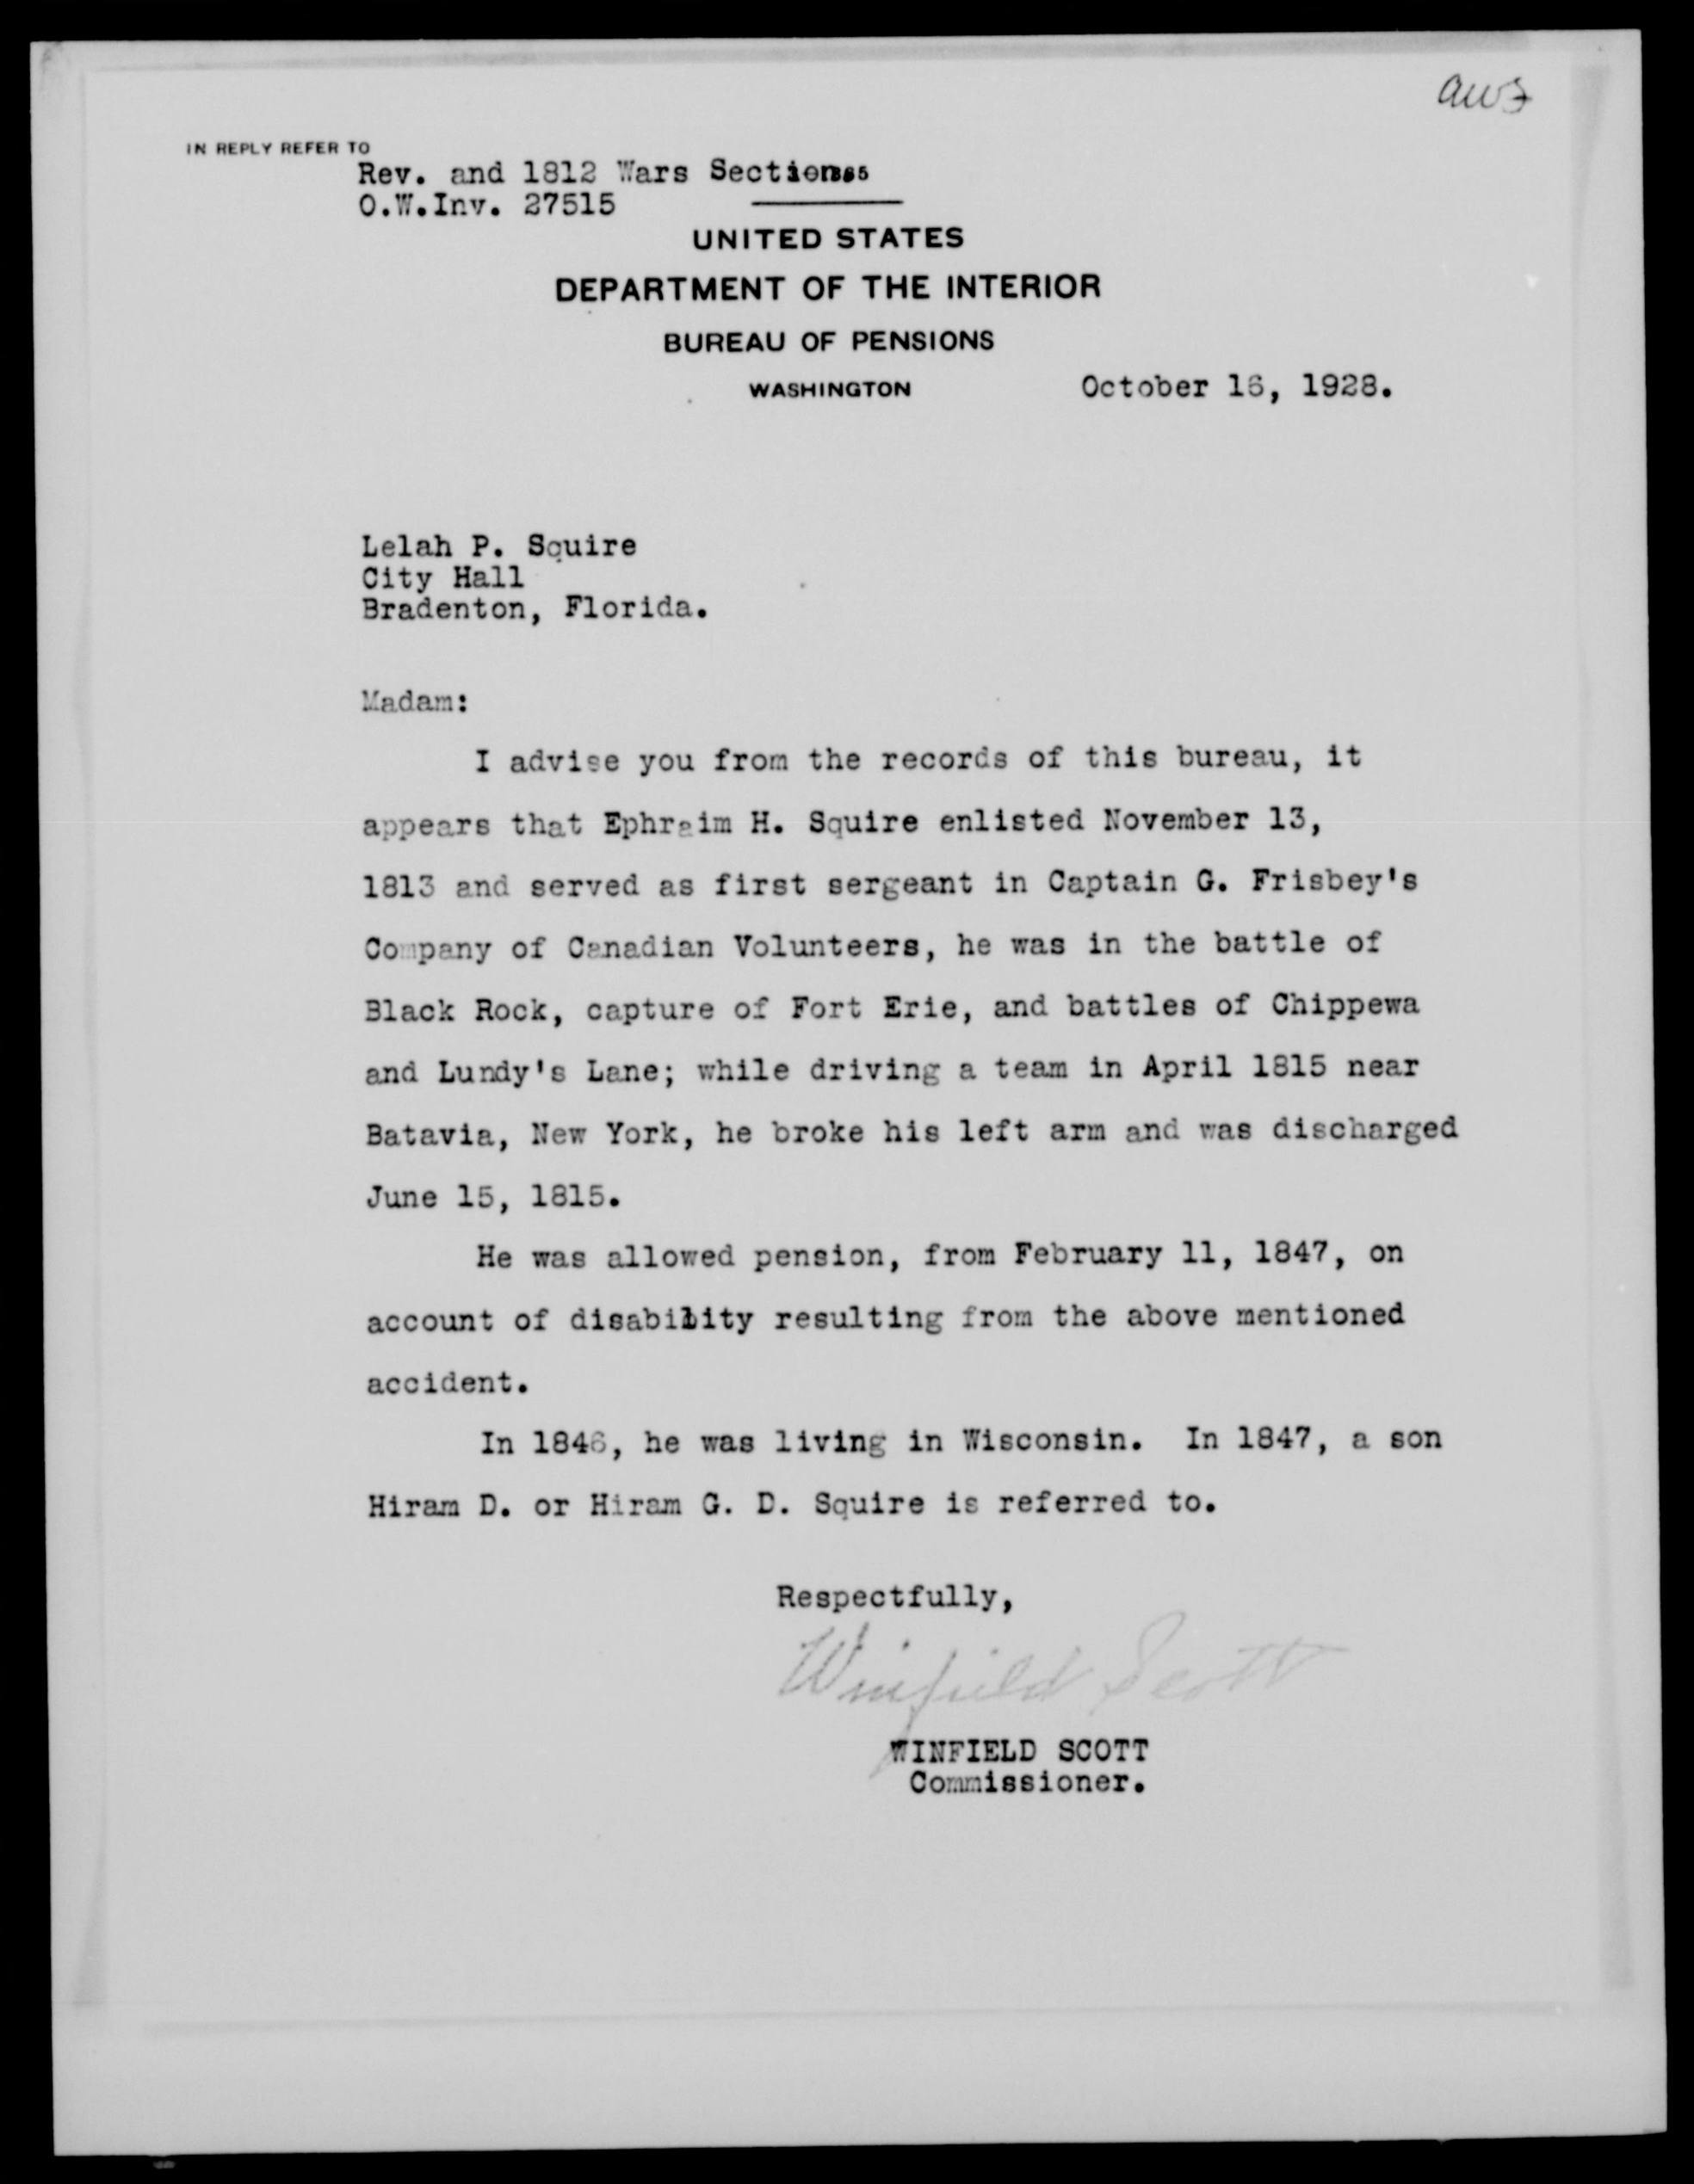[handwritten]AWF

IN REPLY REFER TO
Rev. and 1812 Wars Section85
O.W.Inv. 27515

UNITED STATES
DEPARTMENT OF THE INTERIOR
BUREAU OF PENSIONS
WASHINGTON

October 16, 1928.

Lelah P. Squire
City Hall
Bradenton, Florida.

Madam:
I advise you from the records of this bureau, it appears that Ephraim H. Squire enlisted November 13, 1813 and served as first sergeant in Captain G. Frisbey's Company of Canadian Volunteers, he was in the battle of Black Rock, capture of Fort Erie, and battles of Chippewa and Lundy's Lane; while driving a team in April 1815 near Batavia, New York, he broke his left arm and was discharged June 15, 1815.
He was allowed pension, from February 11, 1847, on account of disability resulting from the above mentioned accident.
In 1846, he was living in Wisconsin. In 1847, a son Hiram D. or Hiram G. D. Squire is referred to.

Respectfully,
[signed]Winfield Scott
WINFIELD SCOTT
Commissioner.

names: Lelah P Squire; Hiram G D Squire; Hiram D Squire; Ephraim H Squire; Winfield Scott; Winfield Scott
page: 19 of 70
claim: rejected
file: R. 10,026, for Ephraim Squier, Connecticut